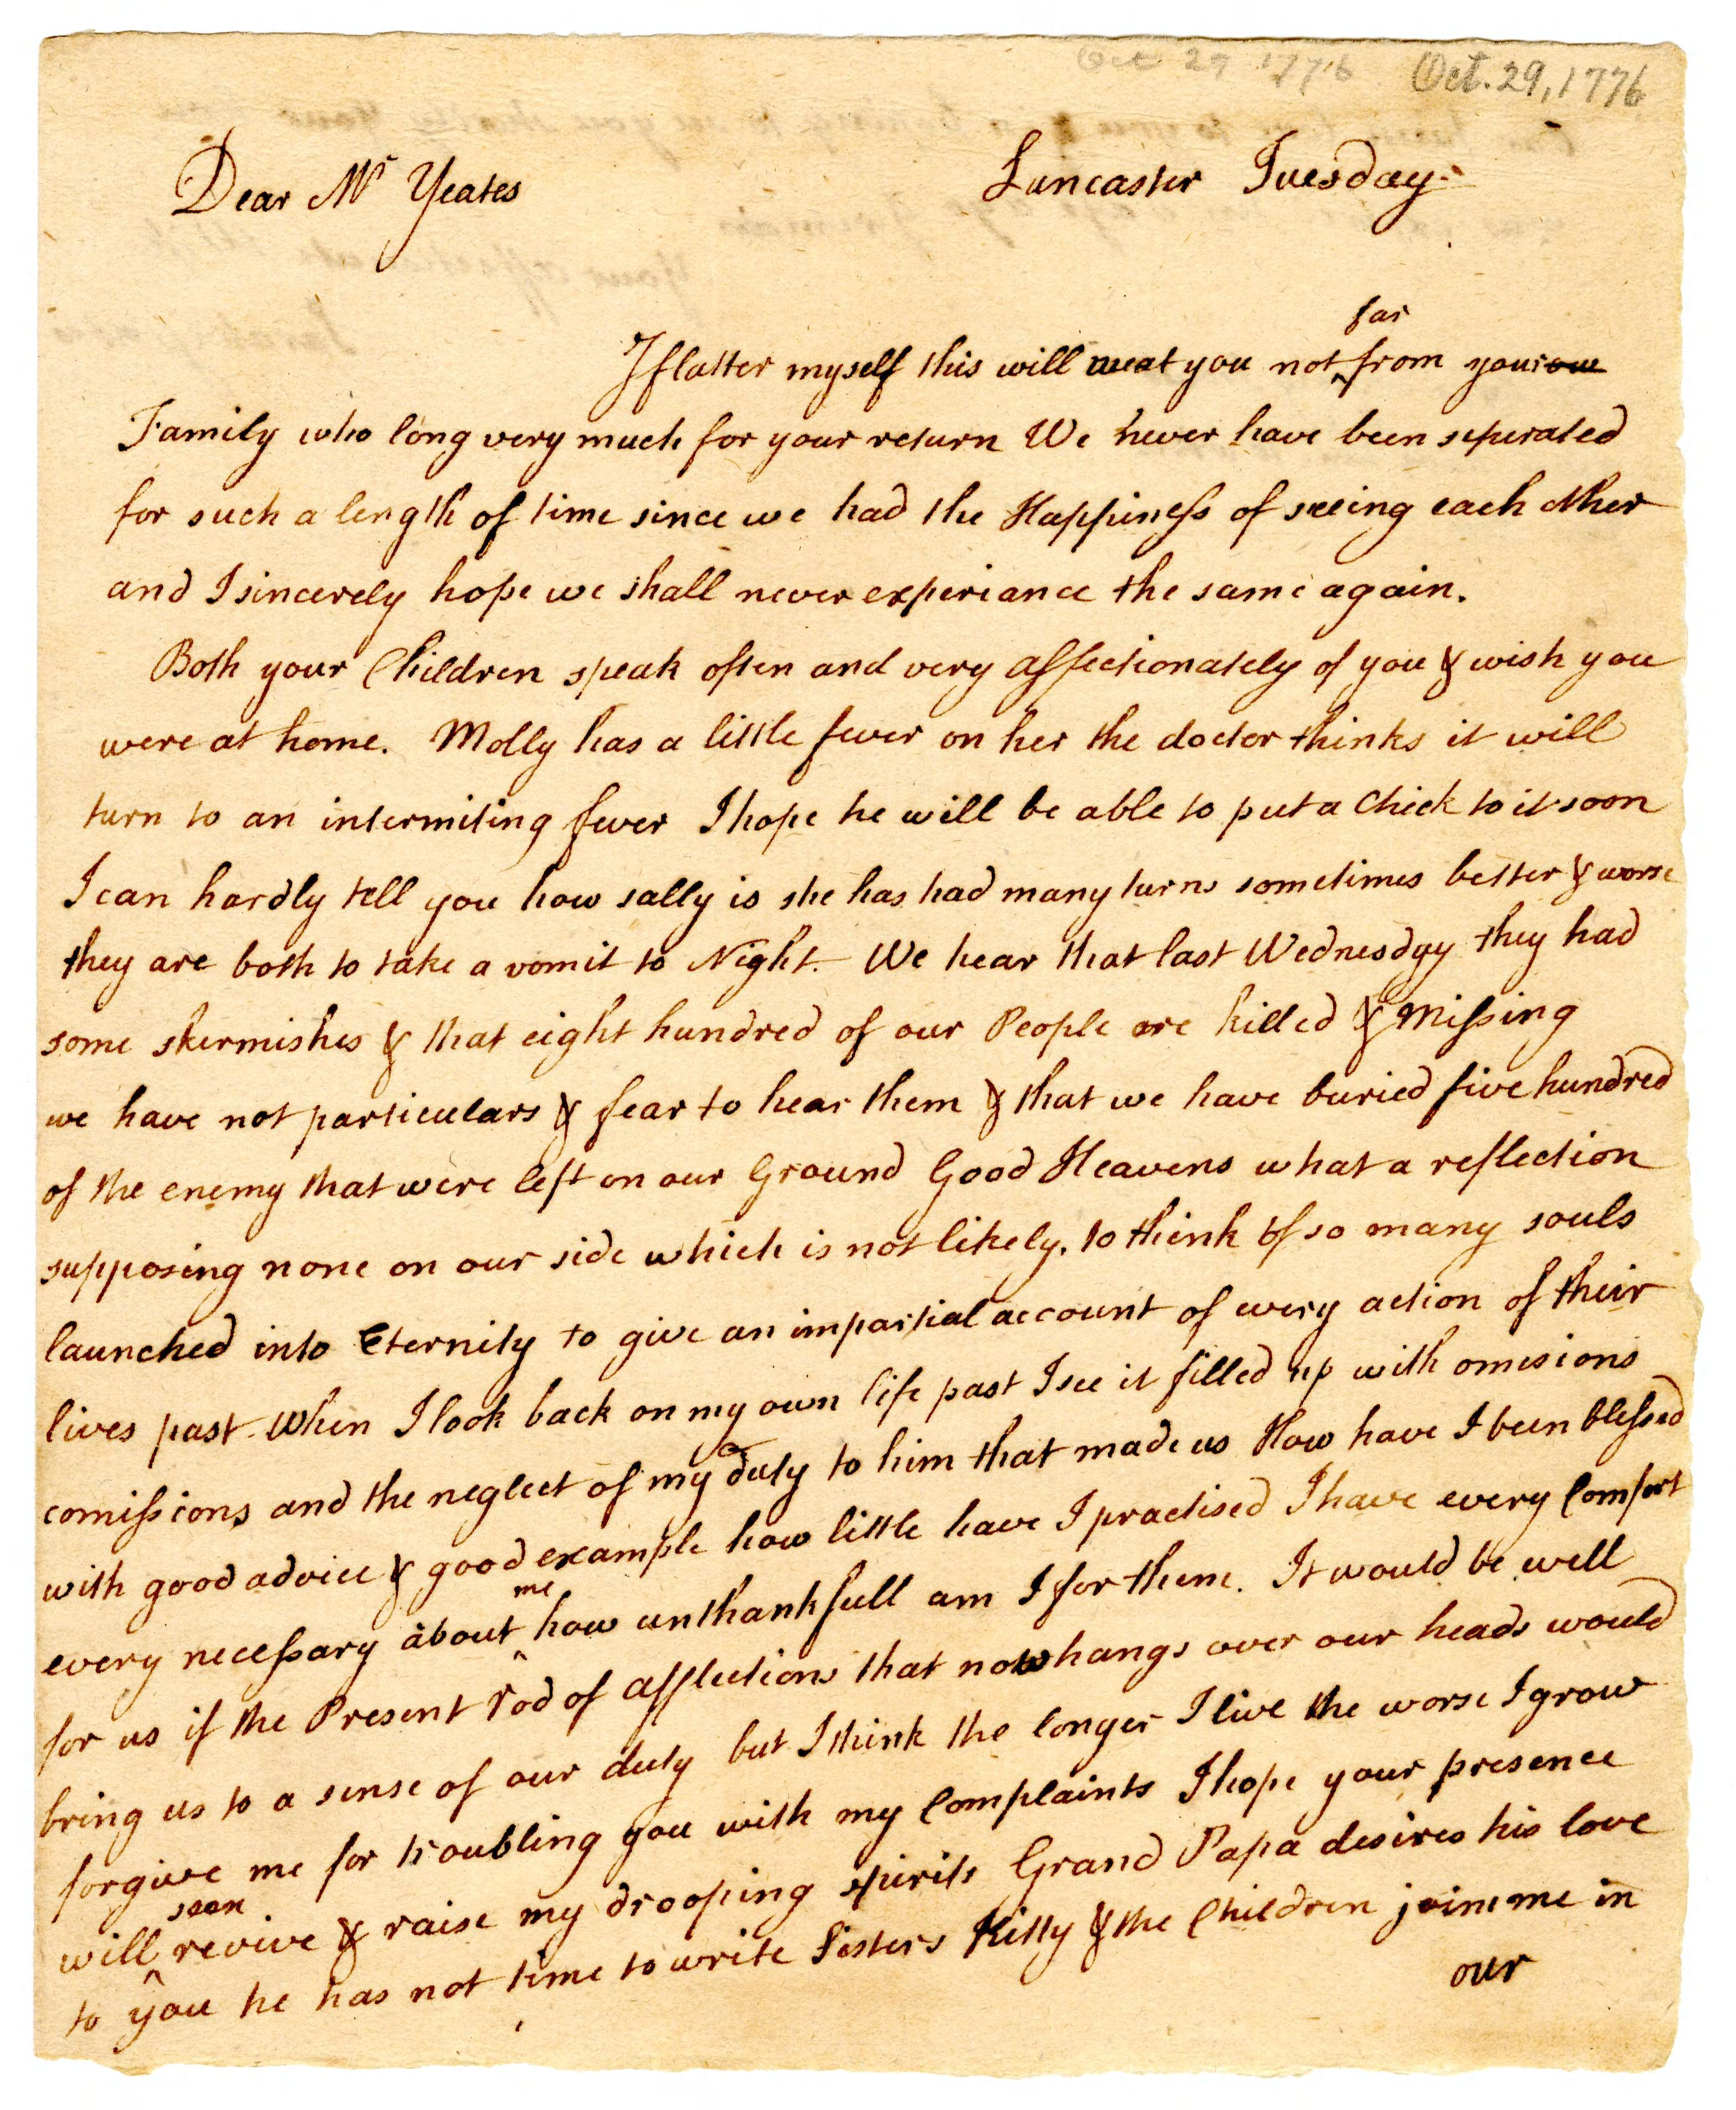Lancaster Tuesday.
Dear M^r Yeates
far
I flatter myself this will meat you not ^ from your our
Family who long very much for your return. We never have been seperated
for such a length of time since we had the Happiness of seeing each other
and I sincerely hope we shall never experiance the same again.
Both your Children speak often and very affectionately of you & wish you
were at home. Molly has a little fever on her the doctor thinks it will
turn to an intermiting fever I hope he will be able to put a Check to it soon
I can hardly tell you how sally is she has had many turns sometimes better & worse
they are both to take a vomit to Night. We hear that last Wednesday they had
some skirmishes & that eight hundred of our People are killed & missing
we have not particulars & fear to hear them & that we have buried five hundred
of the enemy that were left on our Ground Good Heavens what a reflection
supposing none on our side which is not likely, to think of so many souls
launched into eternity to give an impartial account of every action of their
lives past when I look back on my own life past I see it filled up with omisions
comissions and the neglect of my duty to him that made us How have I been blessed
with good advice & good example how little have I practised I have every Comfort
me
every necessary about ^ how unthankfull am I for them. It would be well
for us if the Present rod of afflictions that now hangs over our heads would
bring us to a sense of our duty but I think the longer I live the worse I grow
forgive me for troubling you with my complaints I hope your presence
soon
will ^ revive & raise my drooping spirits Grand Papa desires his love
to you he has not time to write Sister's Kitty & the Children joins me in
our